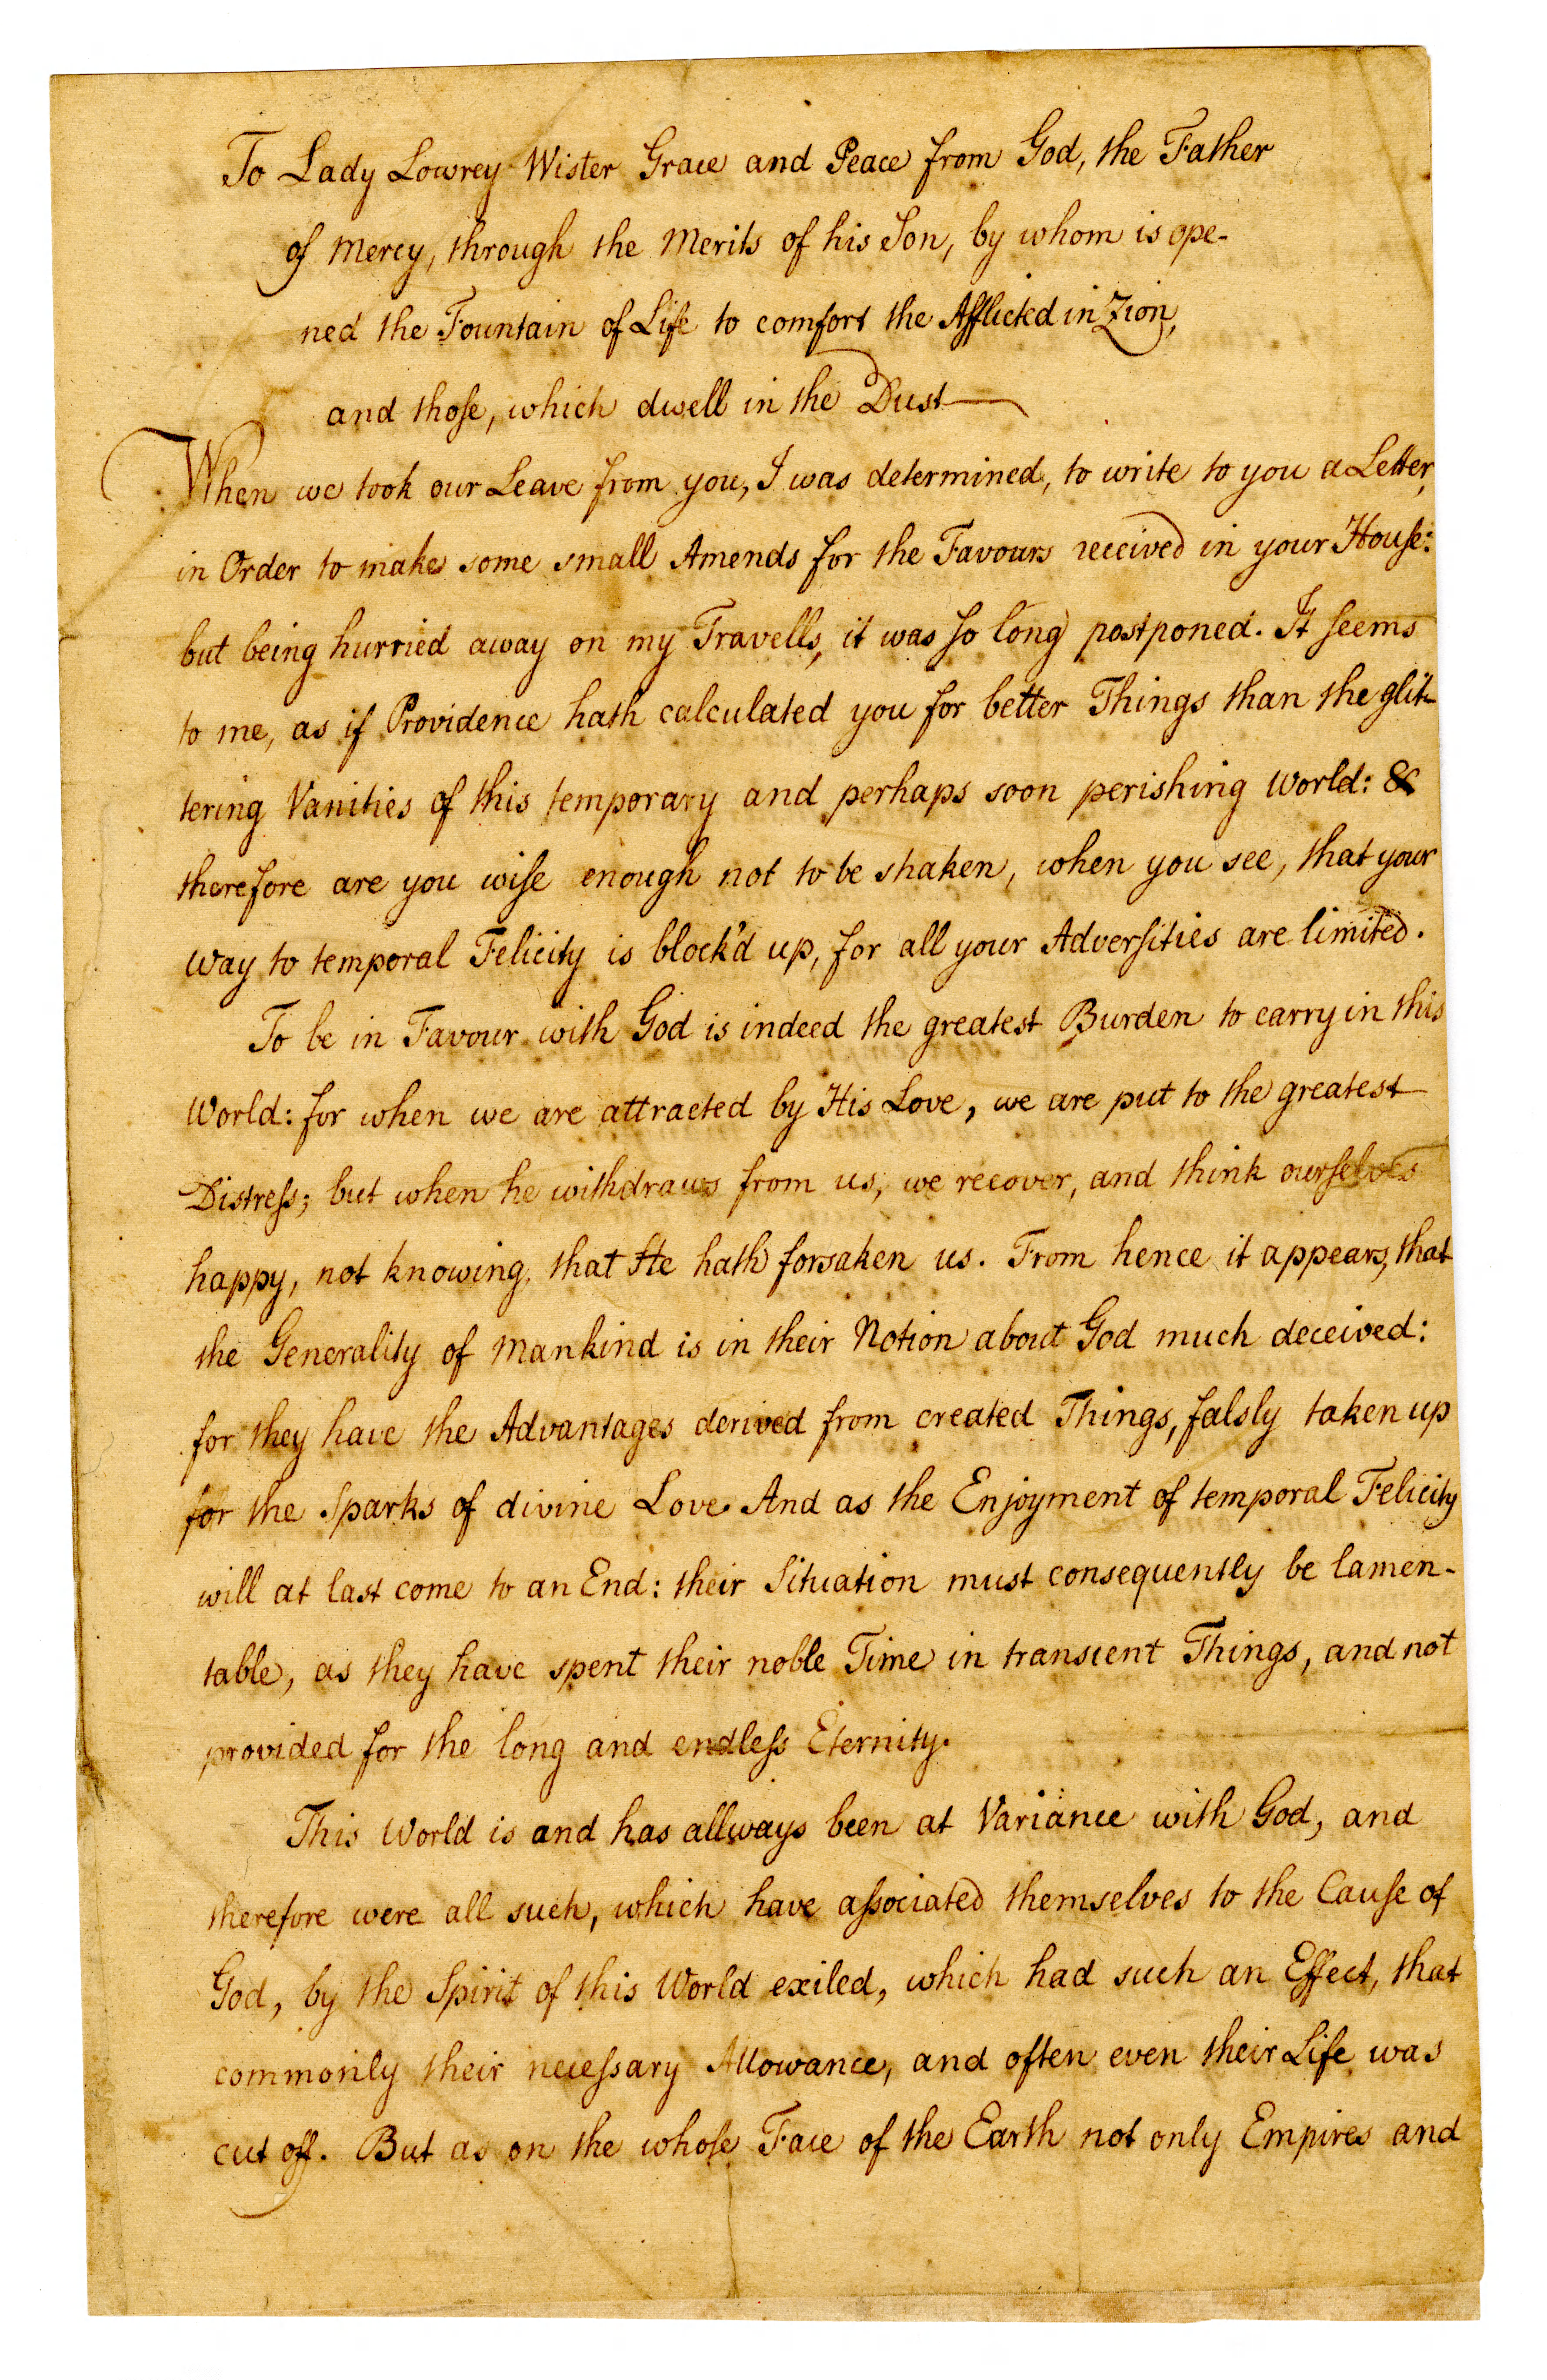To Lady Lowrey Wister Grace and Peace from God, the Father
of mercy, through the Merits of his Son, by whom is ope-
ned the Fountain of Life to comfort the Afflicted in Zion,
and those, which dwell in the Dust-
When we took our Leave from you I was determined, to write to you a Letter,
in Order to make some small Amends for the Favours received in your House:
but being hurried away on my Travells, it was so long postponed. It seems
to me as if Providence hath calculated you for better Things than the glit
tering Vanities of this temporary and perhaps soon perishing world: &
therefore are you wise enough not to be shaken, when you see, that your
way to temporal Felicity is block'd up, for all your Adversities are limited.
To be in Favour with God is indeed the greatest Burden to carry in this
World: for when we are attracted by His Love, we are put to the greatest
Distress; but when he withdraws from us, we recover, and think ourselves
happy, not knowing that He hath forsaken us. From hence it appears, that
the Generality of mankind is in their Notion about God much deceived:
for they have the Advantages derived from created Things, falsly taken up
for the sparks of divine Love And as the Enjoyment of temporal Felicity
will at last come to an End: their situation must consequently be lamen-
table as they have spent their noble Time in the transient Things, and not
provided for the long and endless Eternity.
This world is and has allways been at Variance with God, and
therefore were all such, which have associated themselves to the cause of
God, by the Spirit of this world exiled, which had such an Effect, that
commonly their necessary Allowance, and offer even their Life was
cut off. But as on the whole Face of the Earth not only Empires and